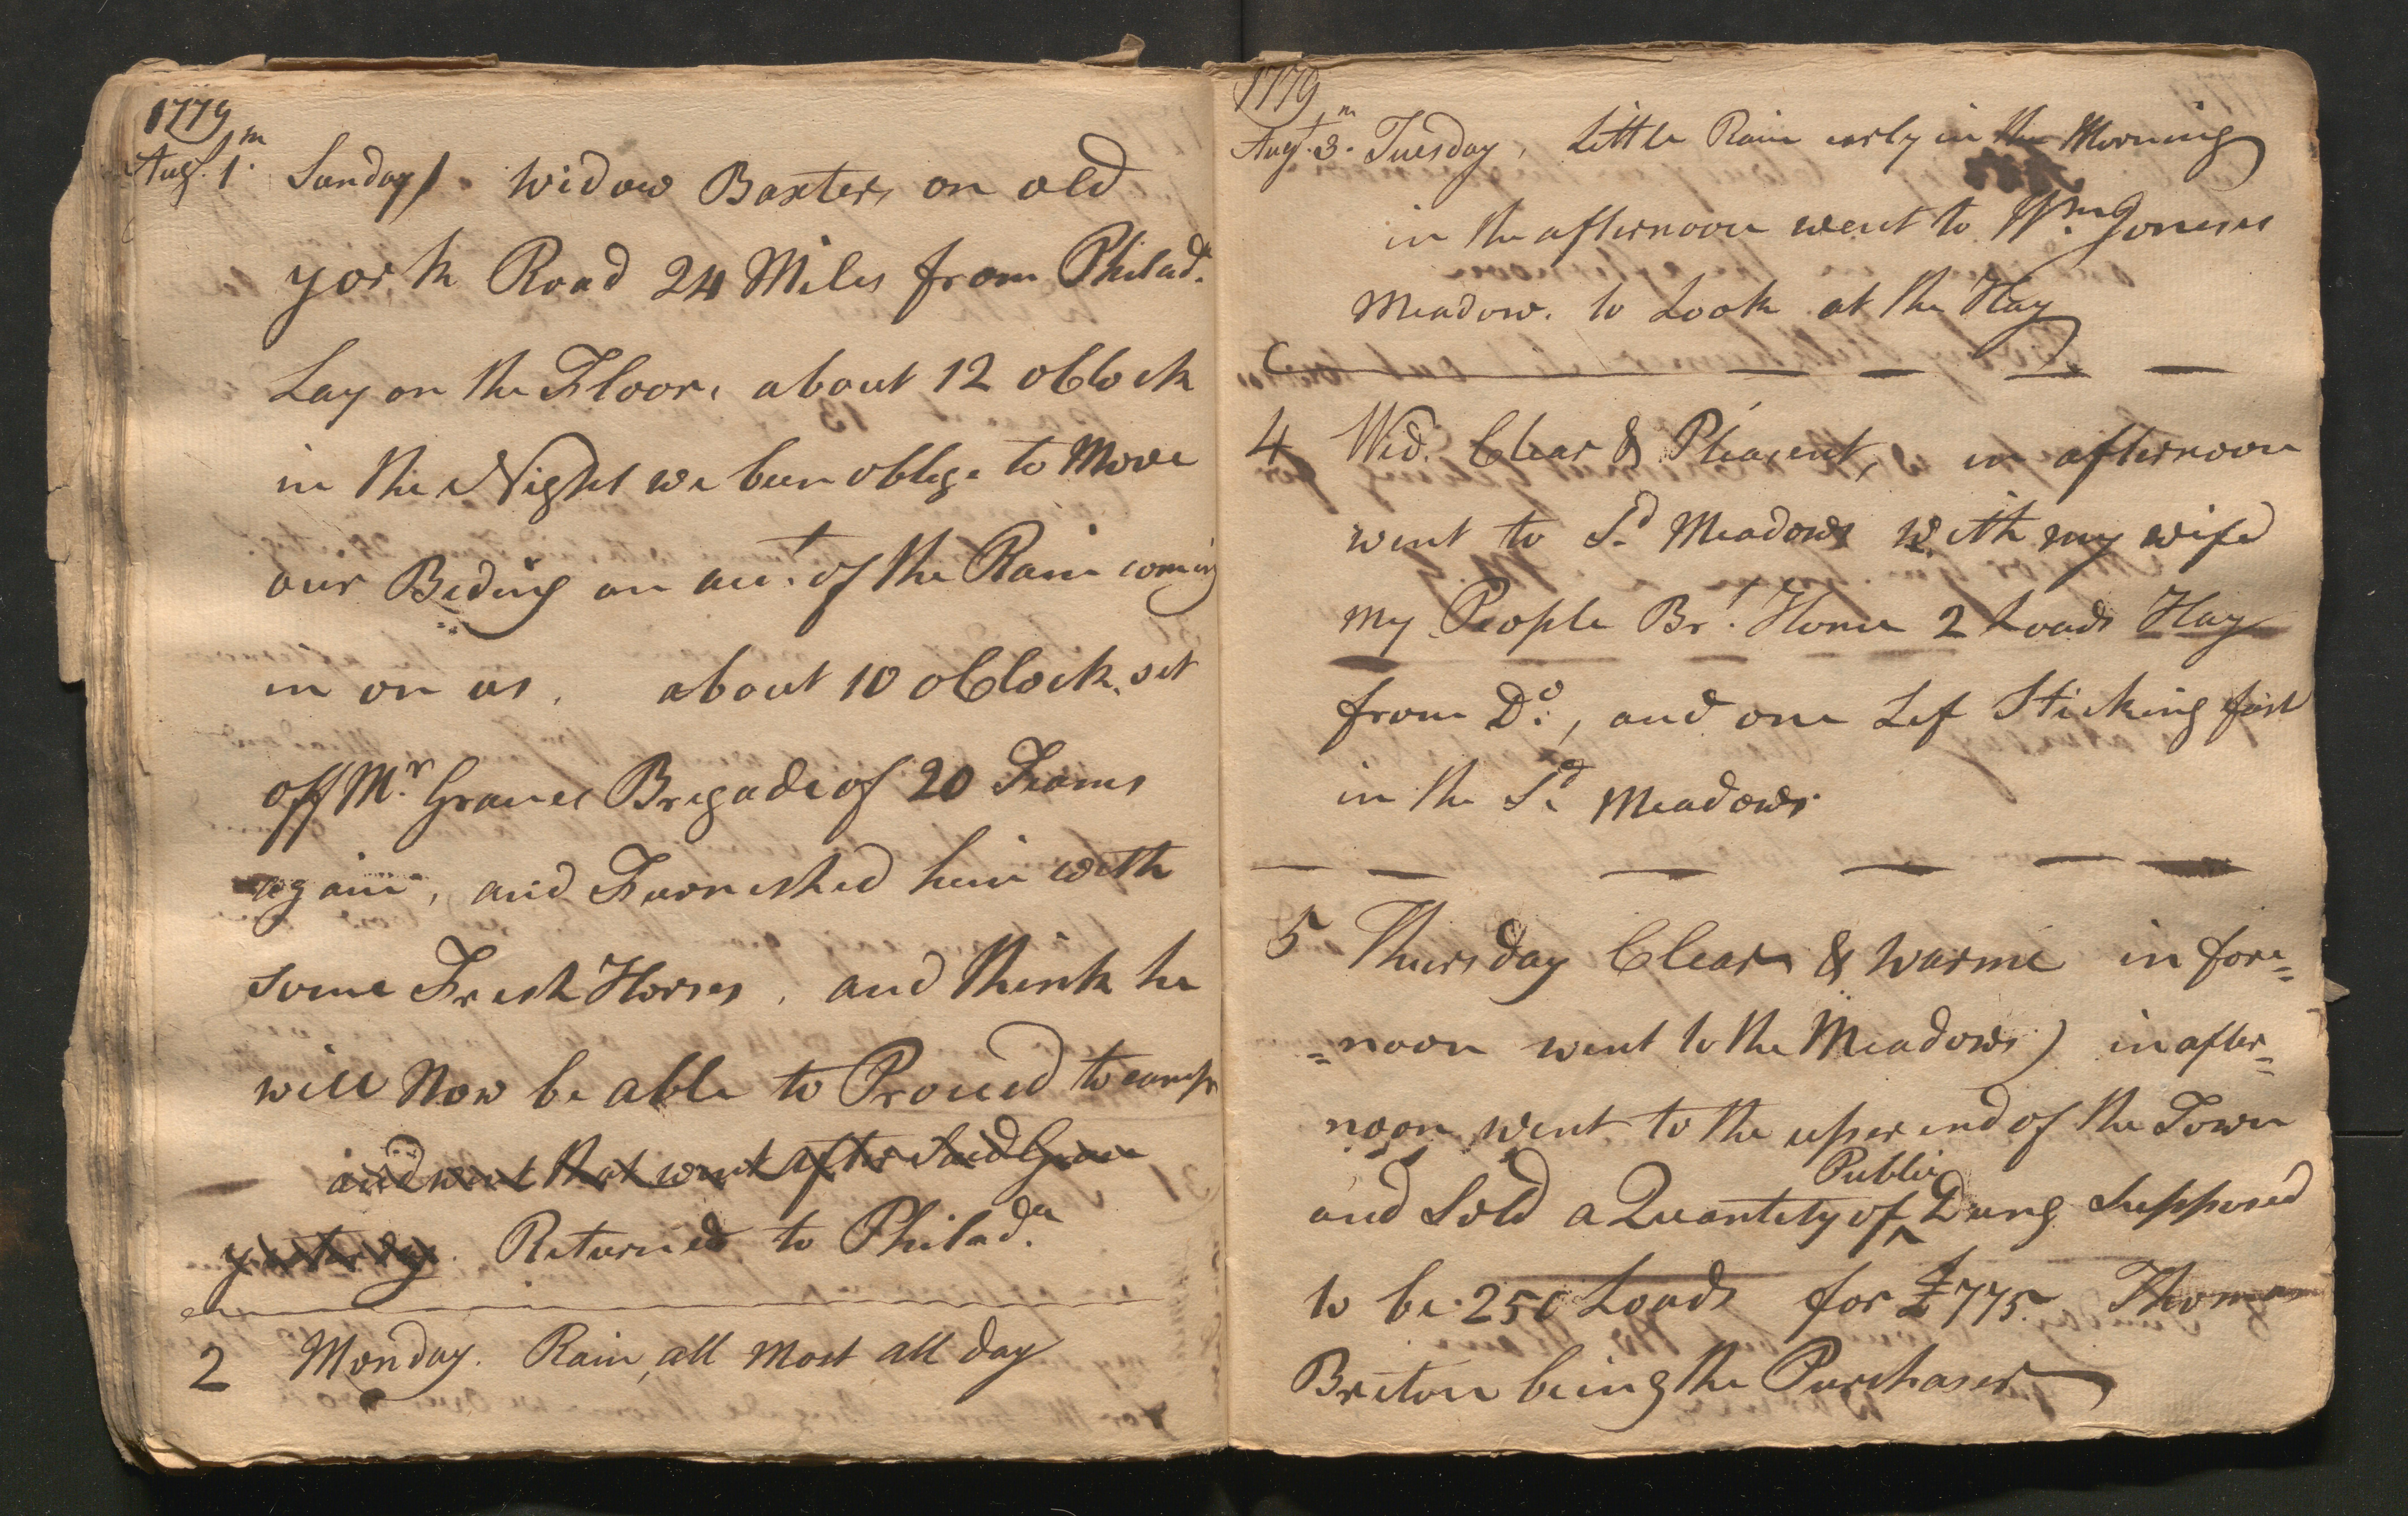1779
Aug^t. 1^th. Sunday / Widow Baxter, on old
york Road 24 Miles from Philad^a.
Lay on the Floor, about 12 oClock
in the Night we been oblige to Move
our Beding on acc^t. of the Rain coming
in on us, about 10 oClock set
off M^r. Graves Brigade of 20 Teams
again, and Furnished him with
some Fresh Horses, and think he
will now be able to Proceed to camp
[and went that went after said Grave]
[yesterday] Returned to Philad^a.
2 Monday. Rain all Most all day
1779
Aug^t. 3d Tuesday, Little Rain early in the Morning
in the afternoon went to W^m. Joneses
Meadow. to Look at the Hay
4n Wed. Clear & Pleasent, in afternoon
went to s^d. Meadows with my wife
My People Br^t. Home 2 Loads Hay
from D^o., and one Let Sticking fast
in the s^d. Meadows
5 Thursday Clear & warme in for-
-noon went to the Meadows) in after-
noon went to the uper end of the Town
Public
and sold a Quantity of ^ Dung supposed
to be 250 Loads for £775. Thoma
Breton being the Purchaser